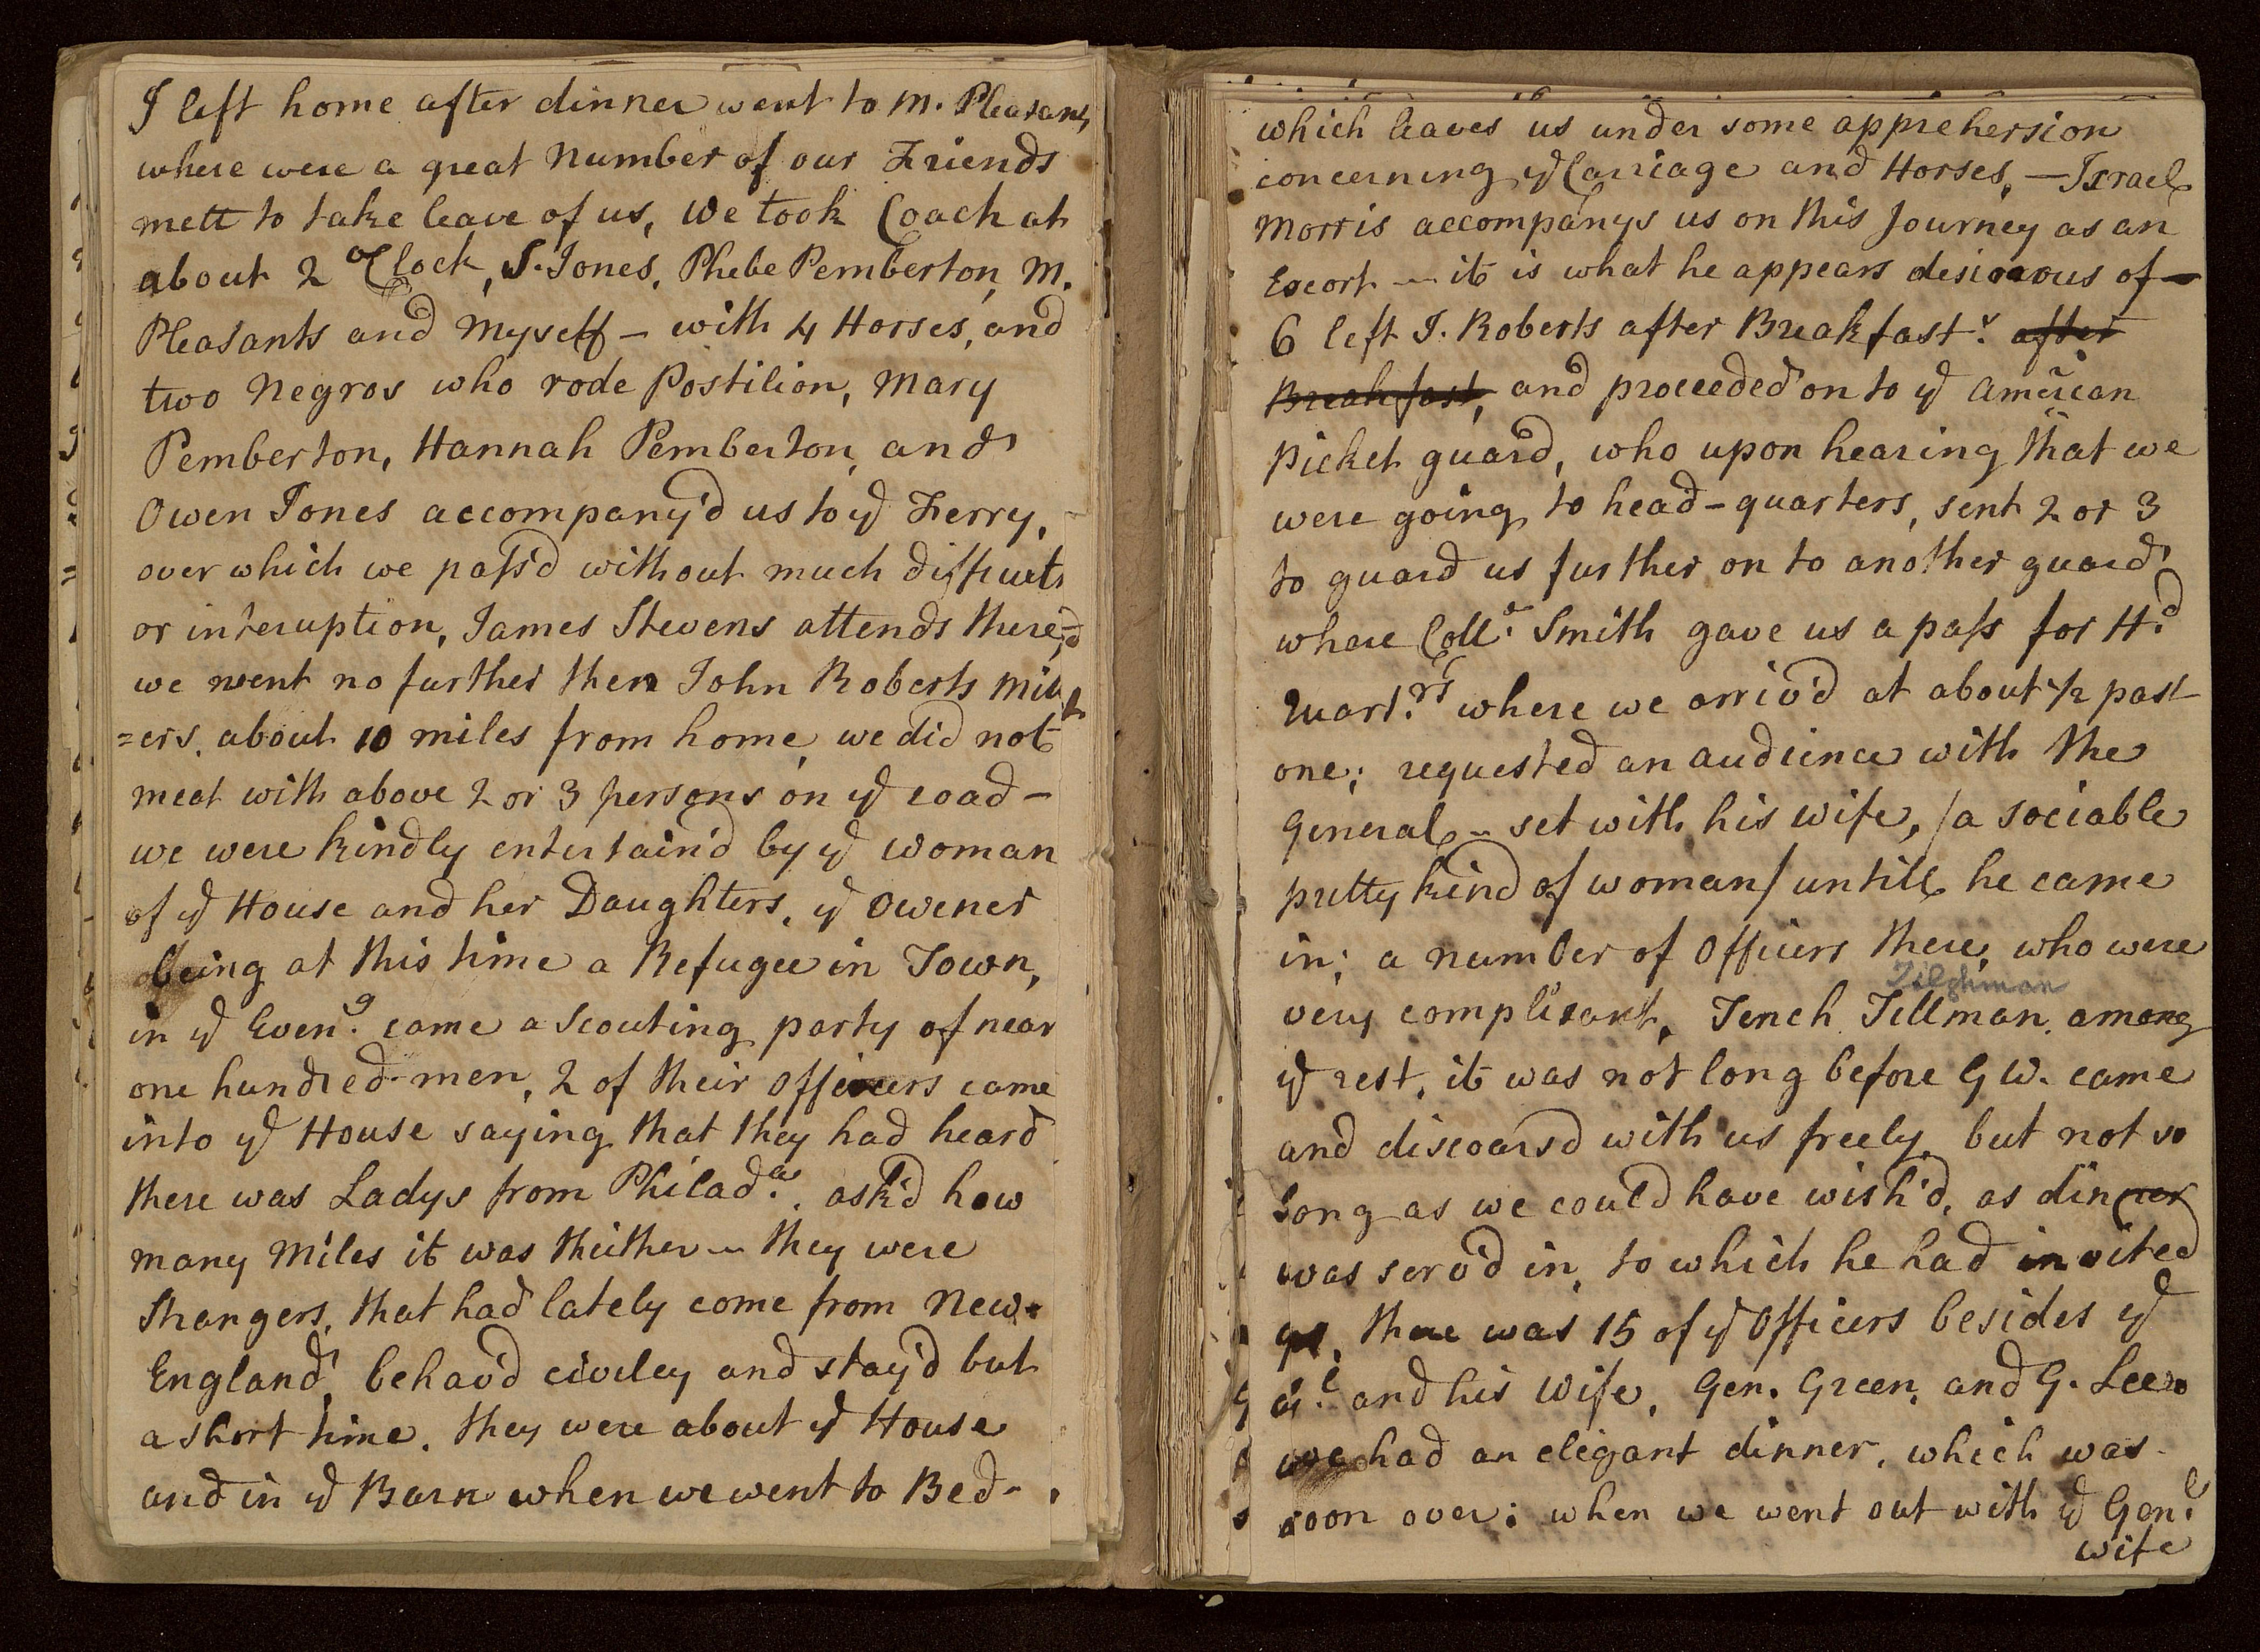I left home after dinner went to M. Pleasant
where were a great number of our Friends
mett to take leave of us, We took Coach at
about 2 ^oClock, S. Jones, Phebe Pemberton M.
Pleasants and myself- with 4 Horses, and
two Negros who rode Postilion, Mary
Pemberton, Hannah Pemberton, and
Owen Jones accompany'd us to y^e Ferry,
over which we pass'd without much diffcuit
or interuption, James Stevens attends there
we went no further then John Roberts mil
-ers about 10 miles from home, we did not
meat with above 2 or 3 persons on y^e road-
we were kindly entertain'd by y^e woman
of y^e House and her Daughters, y^e owener
being at this time a Refugee in Town,
in y^e Even^g. came a Scouting party of near
one hundred men, 2 of their officers came
into y^e House saying that they had heard
there was Ladys from Philad^a., ask'd how
many Miles it was theither- they were
Strangers, that had lately come from New-
England behav'd civiley and stay'd but
a short time. they were about y^e House
and in y^e Barn when we went to Bed-
which leaves us under some apprehersion
concerning y^e Carriage and Horses- Israel
Morris accompanys us on this Journey as an
Escort- it is what he appears desiraous of
6 left J. Roberts after Breakfast^s. after
Breakfast, and proceeded on to y^e Ame^rican
Picket guard, who upon hearing that we
were going to head- quarters, sent 2 or 3
to guard us further on to another guard
where Coll^l. Smith gave us a pass for H^d.
Quart^rs. where we arriv'd at about 1/2 past
one; requested an audience with the
general- set with his wife, /a sociable
pretty kind of woman/ untill he came
in; a number of Officers there who were
Tilghman
very complisant, Tench Tillman among
y^e rest, it was not long before GW. came
and discoarsd with us freely but not so
long as we could have wish'd, as dinner
was serv'd in, to which he had invited
[__], there was 15 of y^e Officers besides y^e
G^l. and his wife. Gen. Green and G. Lees
we had an elegant dinner. which was
soon over: when we went out with y^e Gen.^l
wife